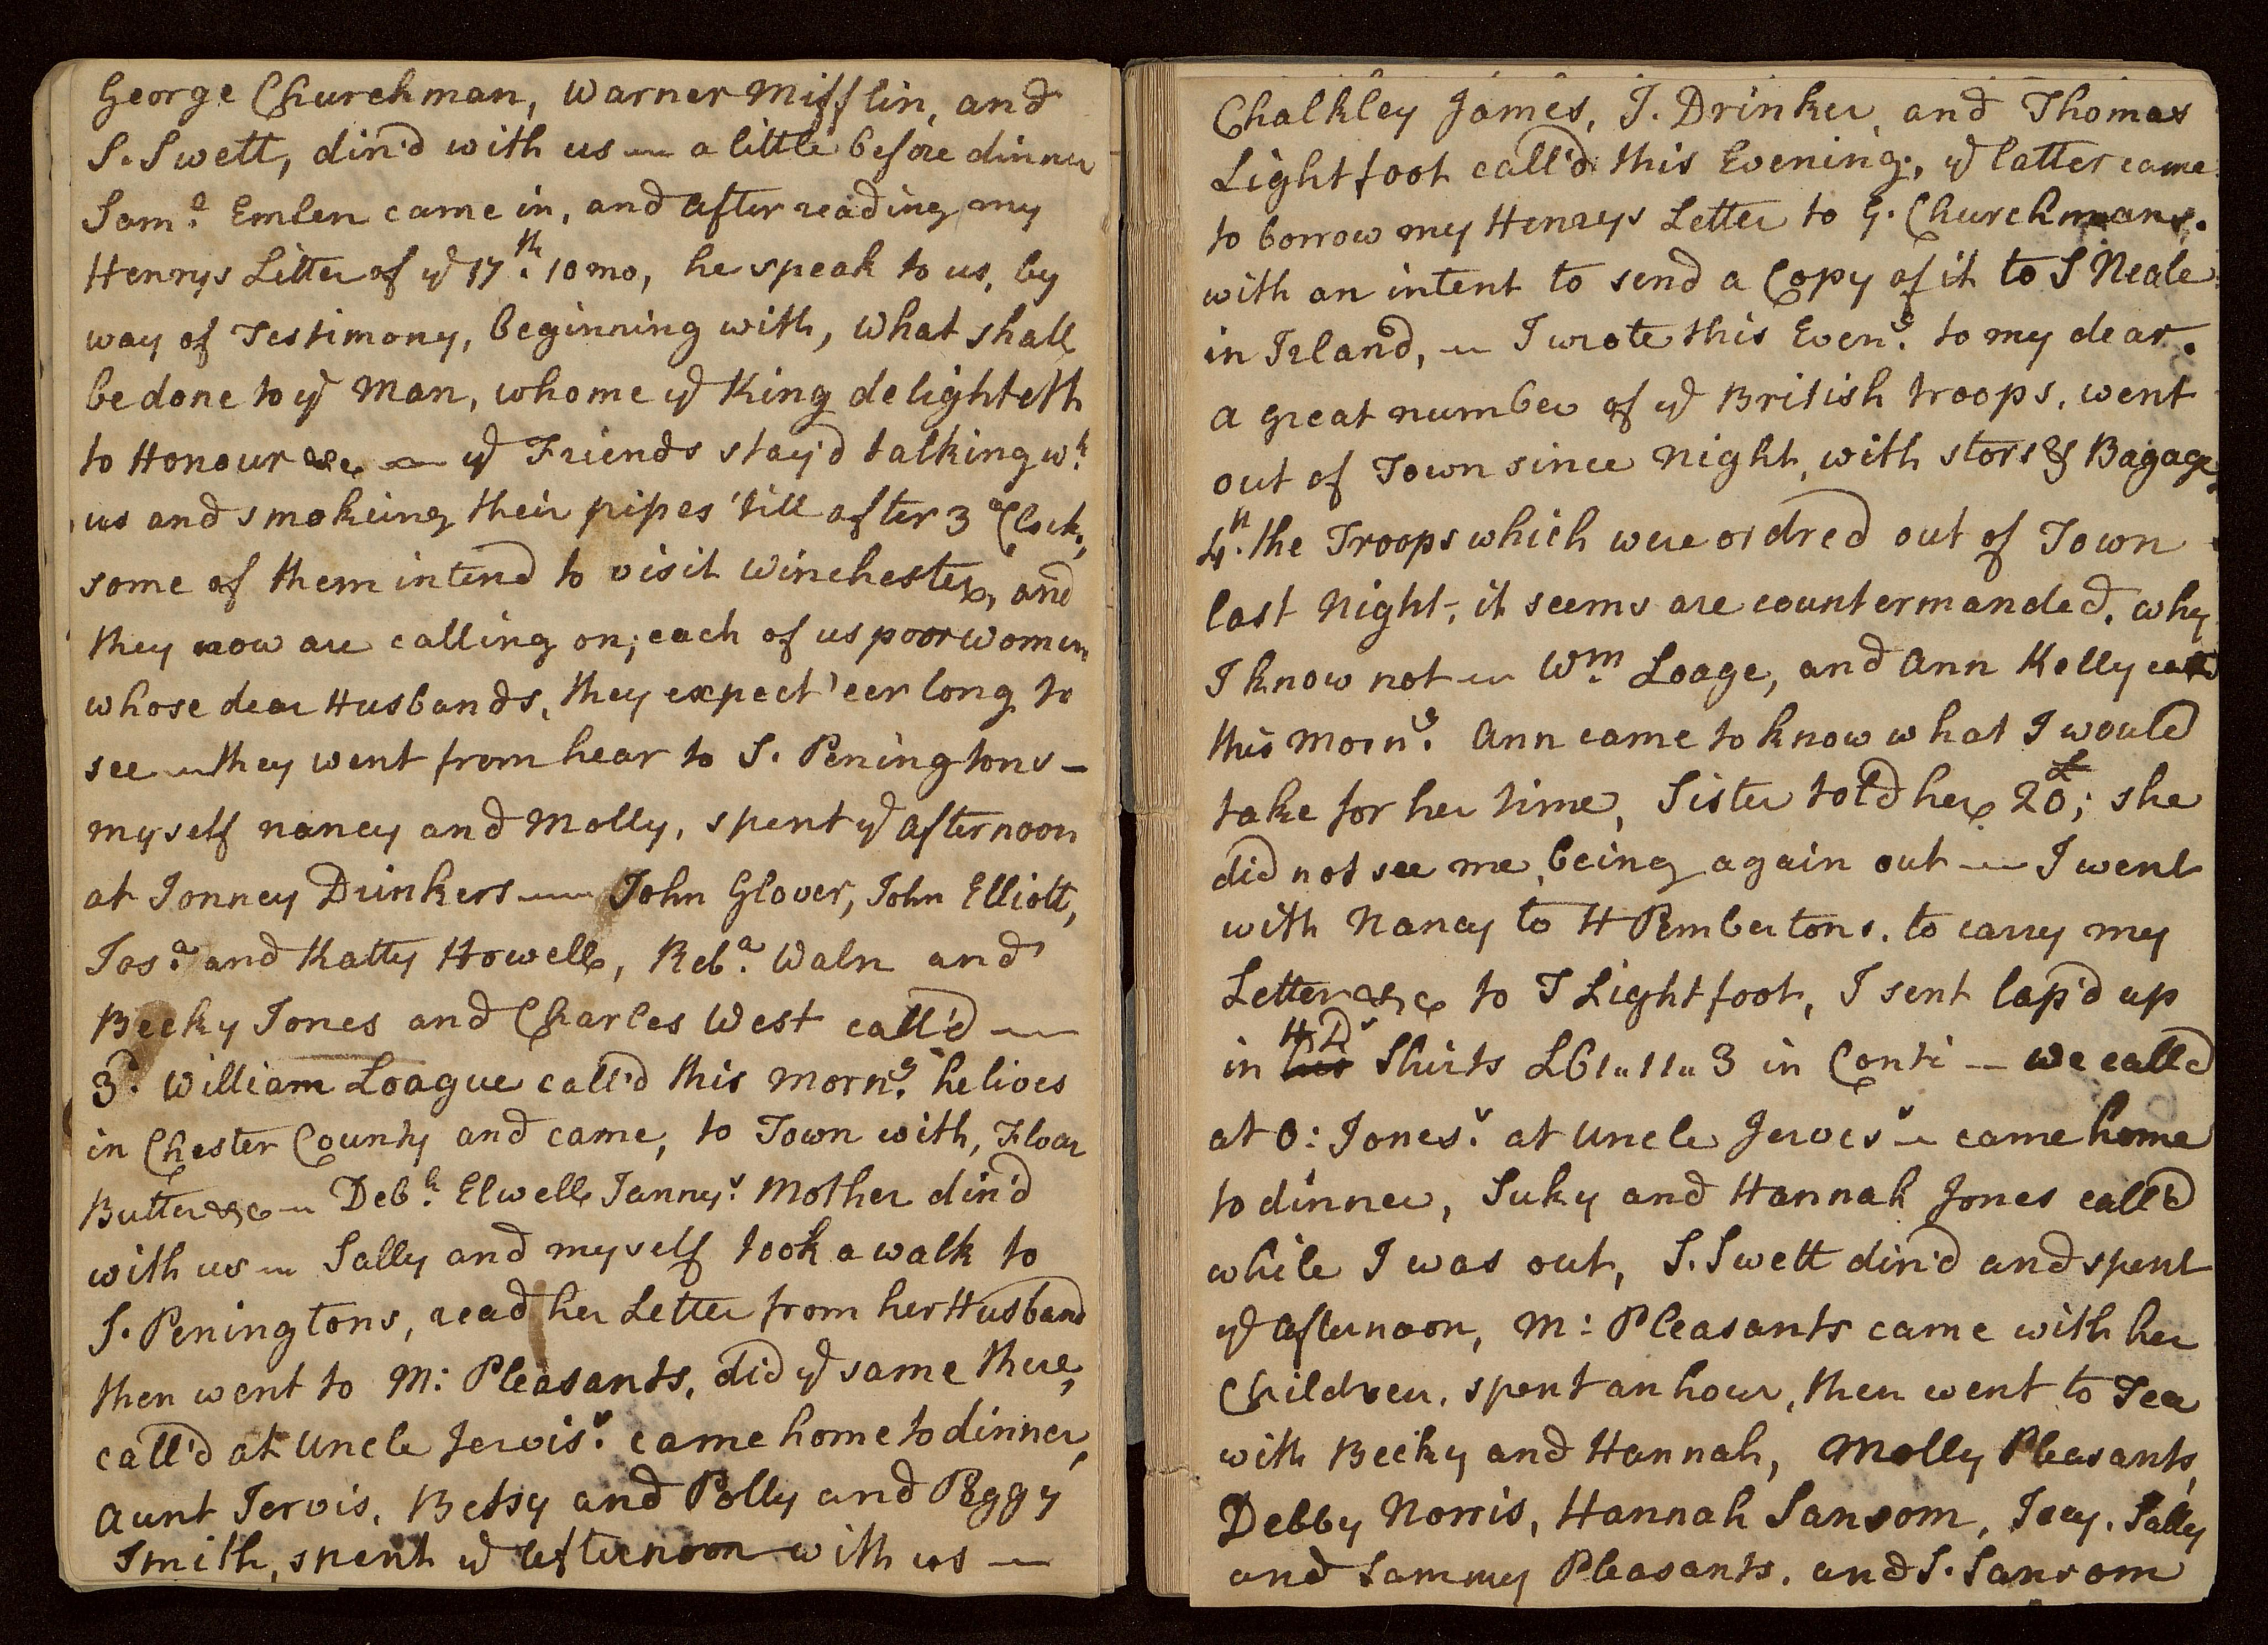George Churchman, Warner Mifflin, and
S. Swett, din'd with us - a little before dinner
Sam^l. Emlen came in, and after reading any
Henrys Litter of y^e 17^th 10 mo, he speak to us, by
way of Testimony, beginning with, what shall
be done to y^e man, whome y^e King delighteth
to Honour &c- y^e Friends stay'd talking w^h.
us and smokeing their pipes 'till after 3 ^oClock,
some of them intend to visit Winchester, and
they now are calling on; each of us poor women
whose dear Husbands, they expect 'cer long to
see - they went from hear to S. Peningtons-
myself Nancy and Molly, spent y^e afternoon
at Jonney Drinkers- John Glover, John Elliott,
Jos^a. and Katty Howell, Reb^a. Waln and
Becky Jones and Charles West call'd-
3^d. William Loague call'd this morn^g. he lives
in Chester County and came, to Town with, Flour
Butter &c- Deb^h. Elwell Janny^s. Mother din'd
with us - Sally and myself took a walk to
S. Peningtons, read her Letter from her husband
then went to M: Pleasants, did y^e same there,
call'd at Uncle Jervis^s. came home to dinner,
Aunt Jervis, Betsy and Polly and Peggy
Smith, spent y^e afternoon with us-
Chalkley James, I. Drinker, and Thomas
Lightfoot call'd this Evening; y^e latter came
to borrow my Henrys Letter to G. Churchmans.
with an intent to send a Copy of it to S Neale
in Island,- I wrote this Even^g. to my dear.
a great number of y^e British troops, went
out of Town since night, with stors & Bagag
4^h. the Troops which were ordred out of Town
last night; it seems are countermanded, why
I know not - W^m. Loage, and Ann Kelly calld
this morn^g. Ann came to know what I would
take for her time, Sister told her 20^£; she
did not see me, being again out- I went
with Nancy to H Pembertons. to carry my
Letter &c to T Lightfoot, I sent lap'd up
HD^s
in [her] Shirts £61..11..3 in Conti-- we calld
at O: Jones^s. at Uncle Jervis^s- came home
to dinner, Suky and Hannah Jones call'd
while I was out, S. Swett din'd and spent
y^e Afternoon, M: Pleasants came with her
Children, spent an hour, then went to Tea
with Becky and Hannah, Molly Pleasants,
Debby Norris, Hannah Sansom, Joey. Sally
and Sammy Pleasants. and S. Sansom